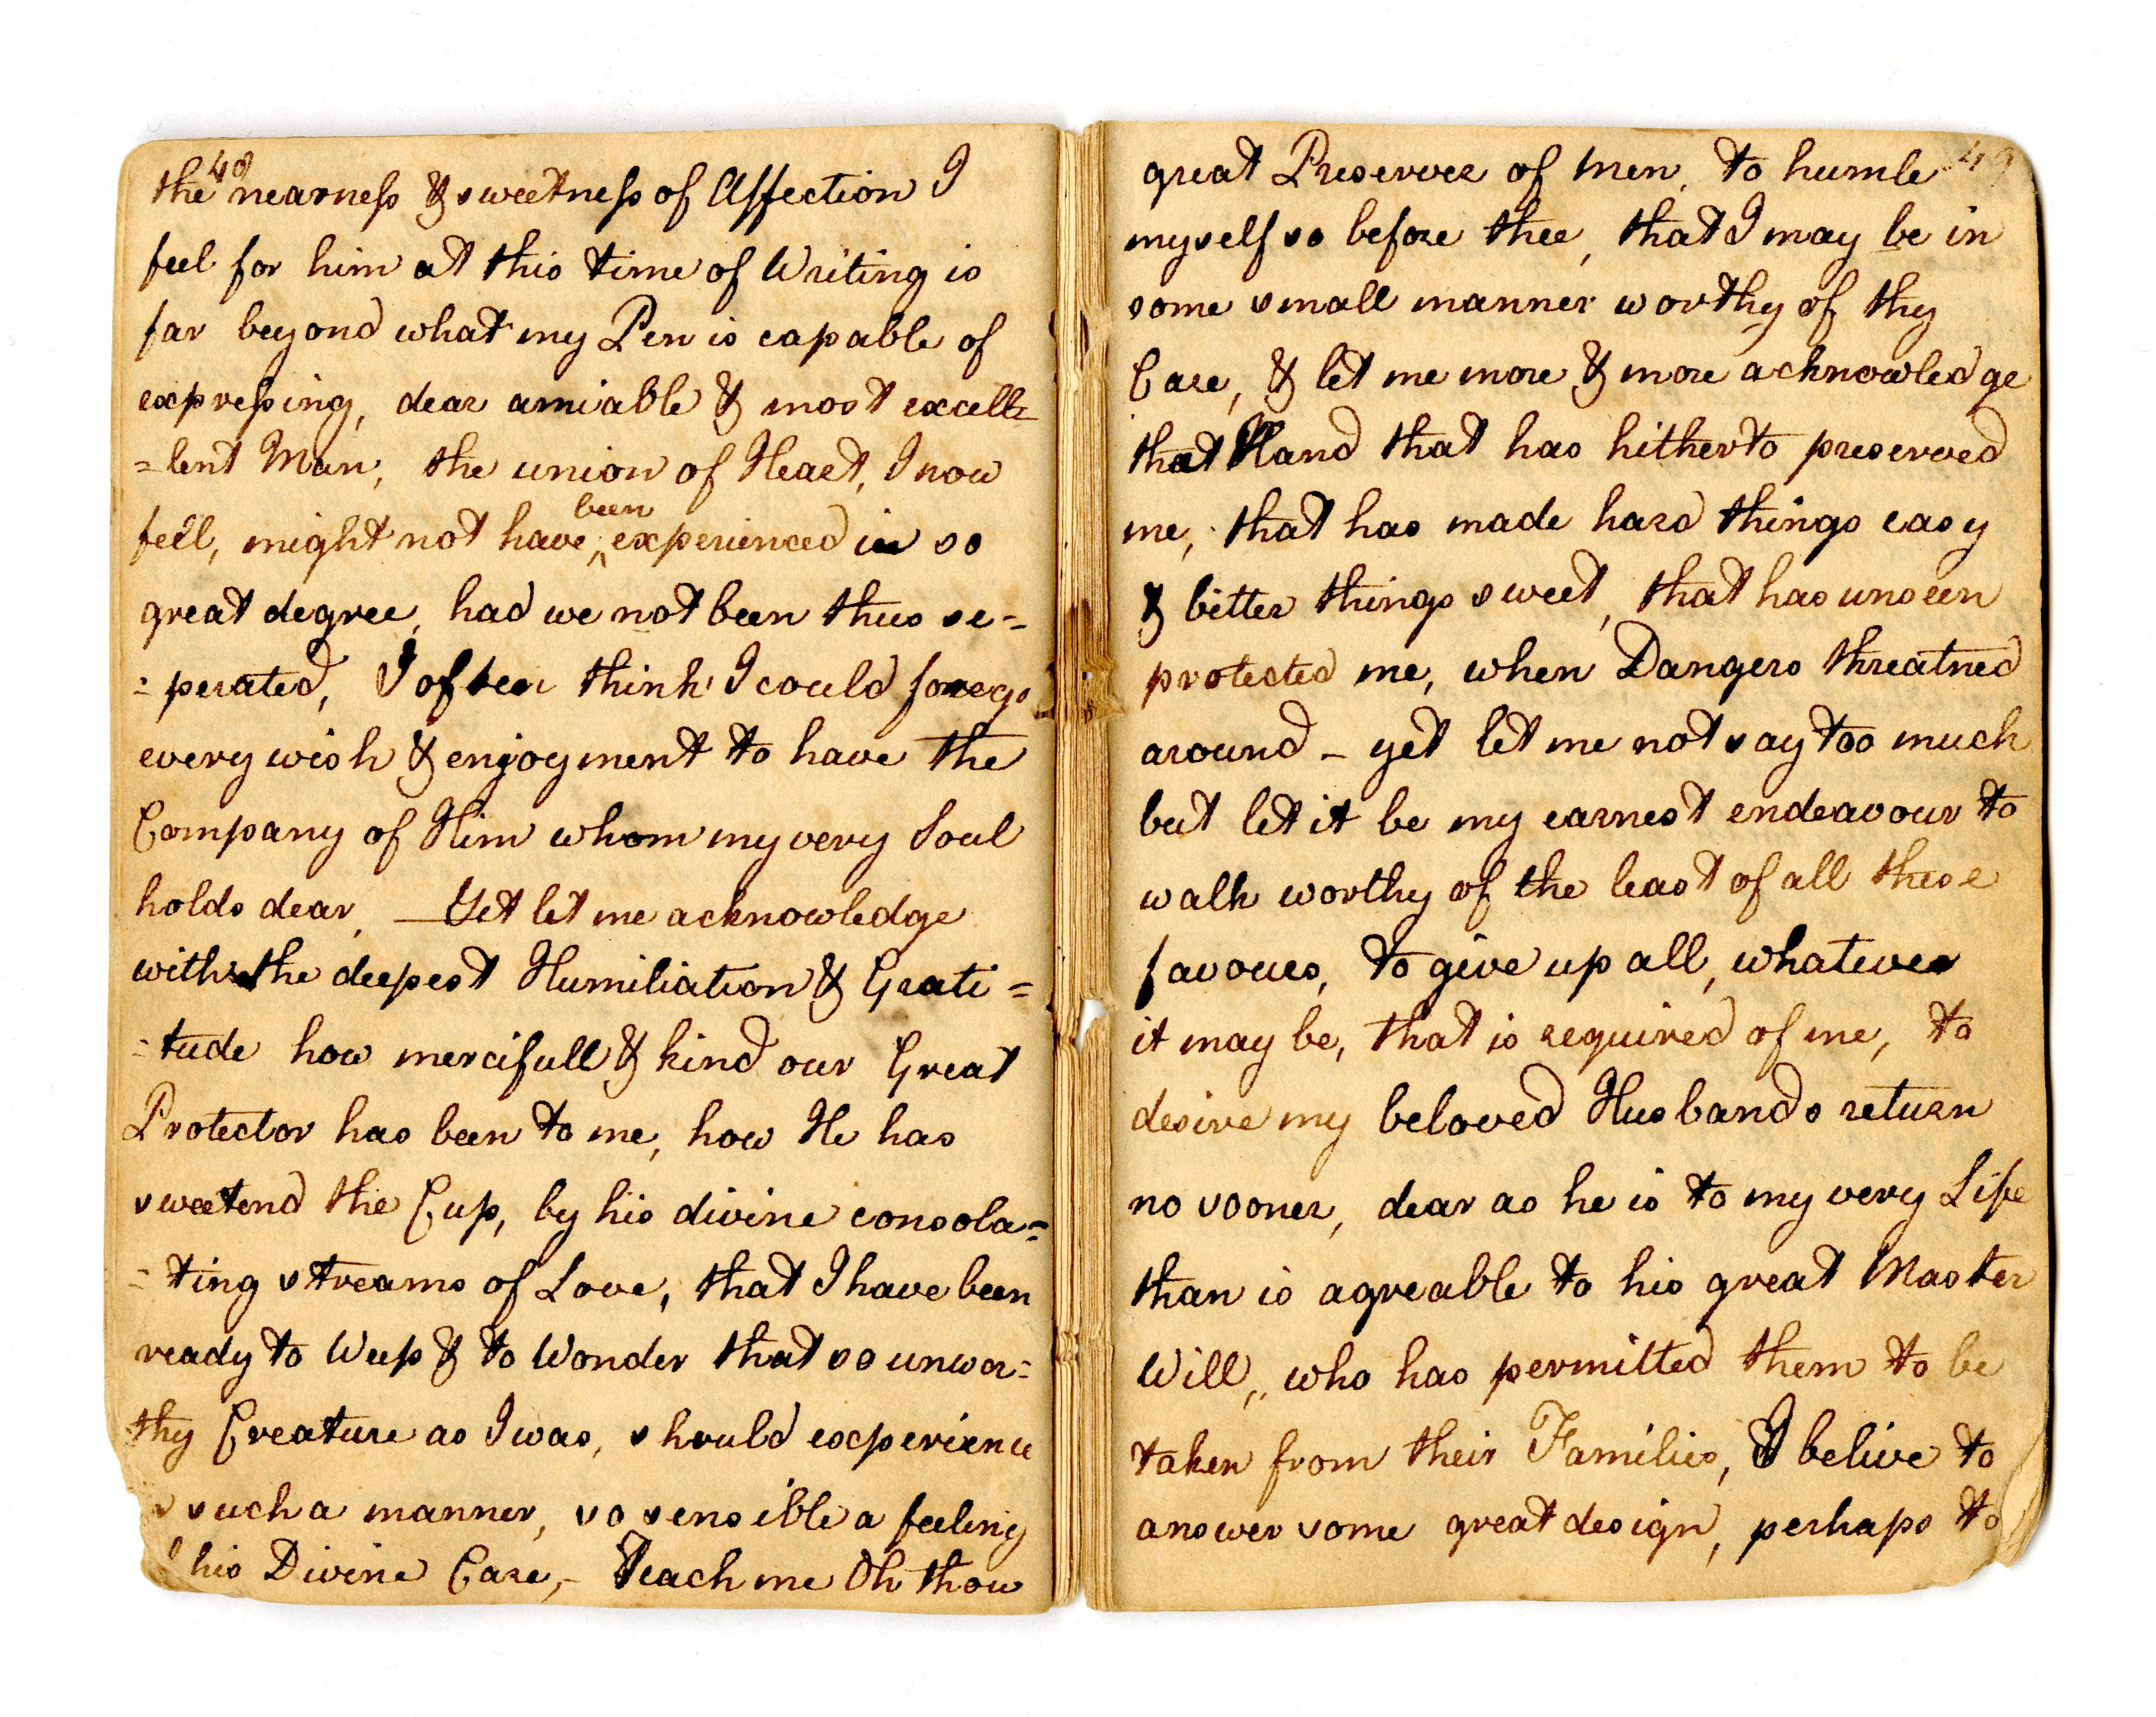48
the nearness & sweetness of Affection I
feel for him at this time of Writing is
far beyond what my Pen is capable of
expressing, dear amiable & most excell-
-lent Man, the union of Heart, I now
been
fell, might not have ^been experienced in so
great degree, had we not been thus se-
-perated, I often think I could forego
every wish & enjoyment to have the
Company of Him whom my very Soul
holds dear,- Yet let me acknowledge
with the deepest Humiliation & Grati-
-tude how mercifull & kind our Great
Protector has been to me, how He has
sweetend the Cup, by his divine consola-
-ting streams of Love, that I have been
ready to Weep & to Wonder that so unwor-
thy Creature as I was, should experience
such a manner, so sensible a feeling
his Divine Care,- Teach me Oh thou
great Preserver of men to humle
myself so before thee, that I may be in
some small manner worthy of thy
Care, & let me more & more acknowledge
that Hand that has hither to preserved
me, that has made hard things easy
& bitter things sweet, that has unseen
protected me, when Dangers threatned
around- yet let me not say too much
but let it be my earnest endeavour to
walk worthy of the least of all these
favours, to give up all whatever
it may be, that is required of me, to
desire my beloved Husbands return
no sooner, dear as he is to my very Life
than is agreable to his great Master
Will, who has permitted them to be
taken from their Families, I belive to
answer some great design, perhaps to